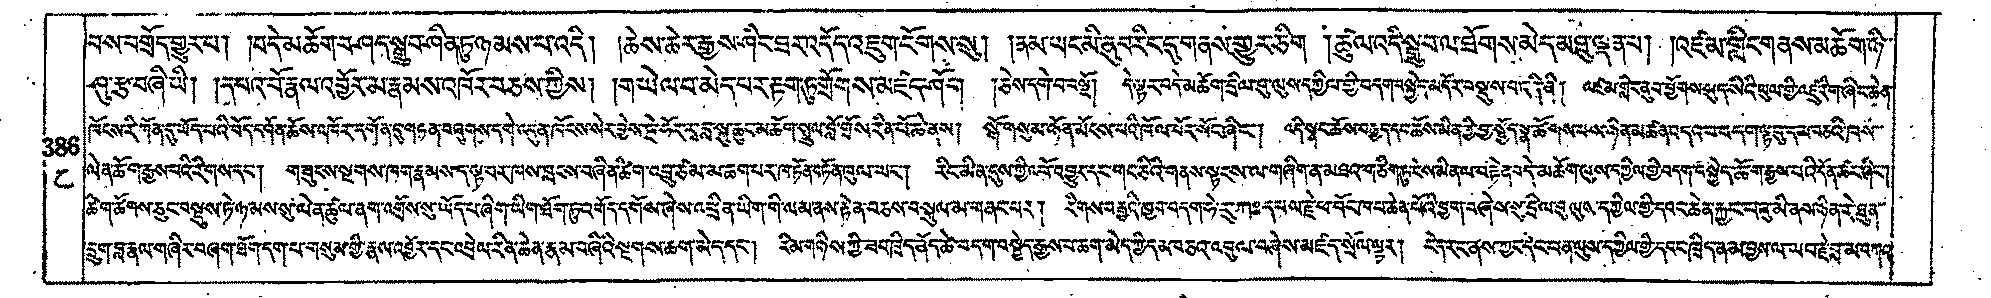བས་བགྲོད་གྱུར་པ། །བདེ་མཆོག་བཤད་སྒྲུབ་ཤིན་ཏུ་ཉམས་པ་འདི། །ཆེས་ཆེར་རྒྱས་ཤིང་ཐར་འདོད་འཇུག་ངོགས་སུ། །ནམ་ཡང་མི་ནུབ་རིང་དུ་གནས་གྱུར་ཅིག །ཚུལ་འདི་སྒྲུབ་ལ་ཐོགས་མེད་མཐུ་ལྡན་པ། །འཛམ་གླིང་གནས་མཆོག་ཉི་་་
ཤུ་རྩ་བཞི་ཡི། །དཔའ་བོ་རྣལ་འབྱོར་མ་རྣམས་འཁོར་བཅས་ཀྱིས། །གཡེལ་བ་མེད་པར་རྟག་ཏུ་གྲོགས་མཛད་ཤོག །ཅེས་དགེ་བ་བསྔོ། དེ་ལྟར་བདེ་མཆོག་དྲིལ་བུ་ལུས་དཀྱིལ་གྱི་བདག་བསྐྱེད་མདོར་བསྡུས་པ་འདི་ནི། འཛམ་གླིང་ནུབ་ཕྱོགས་སུད་སིའི་ཡུལ་གྱི་འཛུ་རིག་ཞིང་ཆེན་
ཁོངས་རི་ཀོན་དུ་ཡོད་པའི་བོད་དགོན་ཆོས་འཁོར་དགོན་དུ་གཏན་བཞུགས་དགེ་འདུན་ཁོངས་སེར་བྱེས་ཏྲེ་ཧོར་རྭ་བླ་སྐུ་ཆུང་མཆོག་སྤྲུལ་བློ་གྲོས་རིན་པོ་ཆེ་ནས། སྒོ་གསུམ་ཉོན་མོངས་པའི་ཁོལ་པོར་སོང་ཞིང་། འདི་སྣང་ཆོས་བརྒྱད་དང་ཆོས་མིན་གྱི་བྱ་སྤྱོད་སྣ་ཚོགས་པས་ཉིན་མཚན་འདའ་བ་བདག་ལྟ་བུ་དམ་བཅའི་ཁས་་་
ལེན་ཆོ་ག་རྒྱས་པའི་རིགས་དང་། གཟུངས་སྔགས་ཁག་རྣམས་ད་ལྟ་བར་ཁས་བླངས་བཞིན་ཚིག་འབྲུ་ཙམ་མ་ཆག་པར་ཁ་ཏོན་བཏོན་ཁུལ་ཡང་། རིང་མིན་དུས་ཀྱི་འཕོ་འགྱུར་དང་གང་ཅིའི་གནས་སྟངས་ལ་གཞིག་ན་མཐའ་གཅིག་ཏུ་ངེས་མིན་ལ་བརྟེན་བདེ་མཆོག་ལུས་དཀྱིལ་གྱི་བདག་བསྐྱེད་ཆོ་ག་རྒྱས་པའི་དོན་ཚང་ཞིང་།
ཚིག་ཚོགས་ཅུང་བསྡུས་ཏེ་ཉམས་སུ་ལེན་ཚུལ་ནག་འགྲོས་སུ་ཡོད་པ་ཞིག་ཡིག་ཐོག་ཏུ་འགོད་དགོས་ཞེས་འཕྲིན་ཡིག་གི་ལམ་ནས་རྟེན་བཅས་བསྐུལ་མ་གནང་པར། རིགས་བརྒྱའི་ཁྱབ་བདག་ཧེ་རུ་ཀཿདཔལ་རྗེ་ཕ་བོང་ཁ་པ་ཆེན་པོའི་ཕྱག་བཞེས་སུ་དྲིལ་བུ་ལུས་དཀྱིལ་གྱི་དབང་ཆེན་རྐྱང་པ་ཞུ་མི་ནས་ཉིན་རེ་ཐུན་་་
དྲུག་བླ་རྣལ་གཞིར་བཞག་ཐོག་དག་པ་གསུམ་གྱི་རྣལ་འབྱོར་དང་འབྲེལ་རིན་ཆེན་རྣམ་བཞིའི་སྔགས་ཆག་མེད་དང་། རིམ་གཉིས་ཀྱི་ཟབ་ཁྲིད་ནོད་ཚེ་བདག་བསྐྱེད་རྒྱས་པ་ཆག་མེད་ཀྱི་དམ་བཅའ་འབུལ་བཞེས་མཛད་སྲོལ་ལྟར། ངེད་རང་ནས་ཀྱང་དེང་ཕན་ལུས་དཀྱིལ་གྱི་དབང་ཁྲིད་ནམ་བྱས་ལ་ཡབ་རྗེ་བླ་མ་བཀའ་